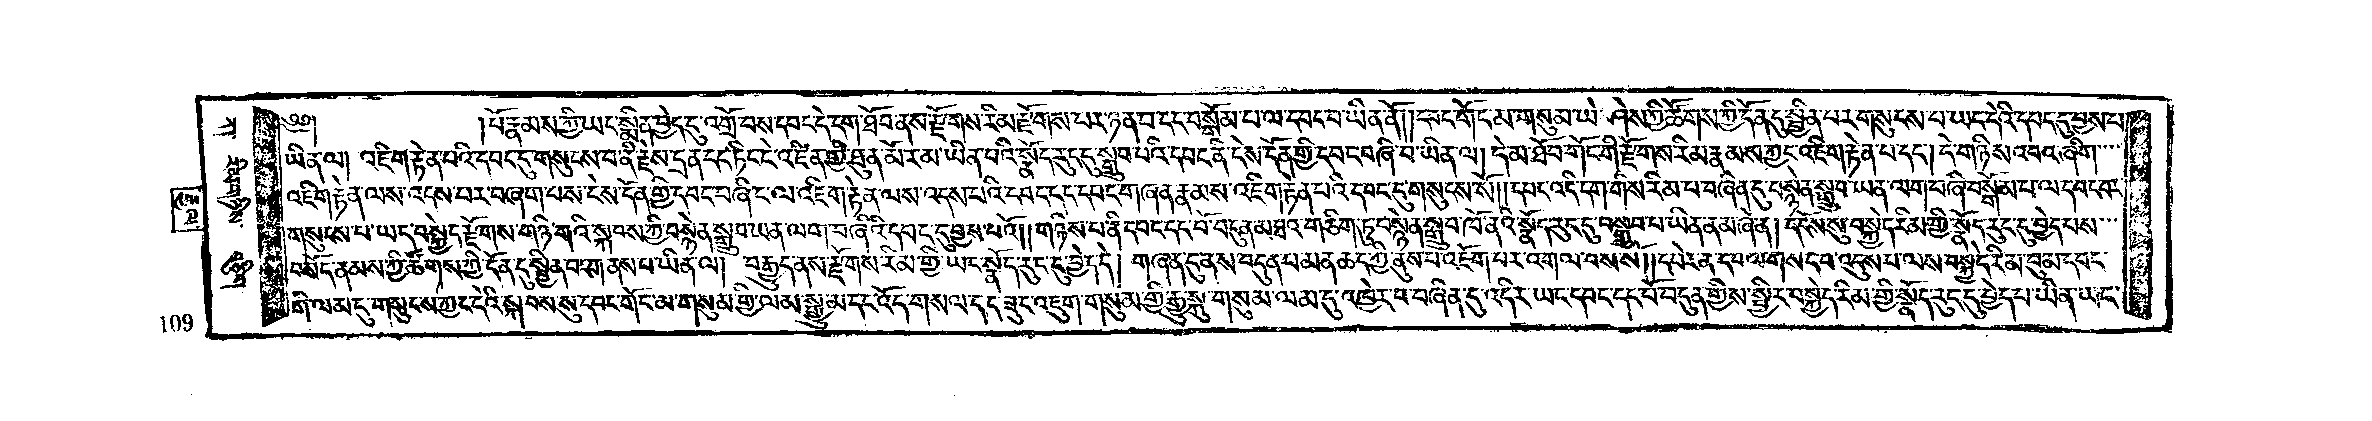༄༅། །པོ་རྣམས་ཀྱི་ཡང་སྨིན་བྱེད་དུ་འགྲོ་བས་དབང་དེ་དག་ཐོབ་ནས་རྫོགས་རིམ་རྫོགས་པར་ཉན་པ་དང་བསྒོམ་པ་ལ་དབང་བ་ཡིན་ནོ། །དབང་གོང་མ་གསུམ་ཡེ་ཤེས་ཀྱི་ཚོགས་ཀྱི་དོན་དུ་སྦྱིན་པར་གསུངས་པ་ཡང་དེའི་དབང་དུ་བྱས་པ་
ཡིན་ལ། འཇིག་རྟེན་པའི་དབང་དུ་གསུངས་པ་ནི་རྗེས་དྲན་དང་ཏིང་ངེ་འཛིན་གྱི་ཐུན་མོར་མ་ཡིན་པའི་སྣོད་རུང་དུ་སྒྲུབ་པའི་དབང་ནི་ངེས་དོན་གྱི་དབང་བཞི་པ་ཡིན་ལ། དེ་མ་ཐོབ་གོང་གི་རྫོགས་རིམ་རྣམས་ཀྱང་འཇིག་རྟེན་པ་དང་། དེ་གཉིས་འབའ་ཞིག་
འཇིག་རྟེན་ལས་འདས་པར་བཞག་པས་ངེས་དོན་གྱི་དབང་བཞི་ང་ལ་འཇིག་རྟེན་ལས་འདས་པའི་དབང་དང་དབང་གཞན་རྣམས་འཇིག་རྟེན་པའི་དབང་དུ་གསུངས་སོ། །དབང་འདི་དག་གིས་རིམ་པ་བཞིན་དུ་བསྙེན་སྒྲུབ་ཡན་ལག་བཞི་བསྒོམ་པ་ལ་དབང་བར་
གསུངས་པ་ཡང་བསྐྱེད་རྫོགས་གཉི་གའི་སྐབས་ཀྱི་བསྙེན་སྒྲུབ་ཡན་ལག་བཞིའི་དབང་དུ་བྱས་པའོ། །གཉིས་པ་ནི་དབང་དང་པོ་བདུན་མཐའ་གཅིག་ཏུ་བསྙེན་སྒྲུབ་ཁོ་ནའི་སྣོད་རུང་དུ་བསྒྲུབ་པ་ཡིན་ནམ་ཞེ་ན། དངོས་སུ་བསྐྱེད་རིམ་གྱི་སྣོད་རུང་དུ་བྱེད་པས་
བསོད་ནམས་ཀྱི་ཚོགས་ཀྱི་དོན་དུ་སྦྱིན་པར་གནས་པ་ཡིན་ལ། བརྒྱུད་ནས་རྫོགས་རིམ་གྱི་ཡང་སྣོད་རུང་དུ་བྱེད་དེ། གཞན་དུ་ནས་བདུན་པ་མན་ཆད་ཀྱི་ནུས་པ་འཇོག་པར་འགལ་བས་སོ། །དཔེར་ན་དཔལ་གསང་བ་འདུས་པ་ལས་བསྐྱེད་རིམ་བུམ་དབང་
གི་ལམ་དུ་གསུངས་ཀྱང་དེའི་སྐབས་སུ་དབང་གོང་མ་གསུམ་གྱི་ལམ་སྒྱུ་མ་དང་འོད་གསལ་དང་ཟུང་འཇུག་གསུམ་གྱི་རྒྱུ་སྐུ་གསུམ་ལམ་དུ་འཁྱེར་བ་བཞིན་དུ་འདིར་ཡང་དབང་དང་པོ་བདུན་གྱིས་སྤྱིར་བསྐྱེད་རིམ་གྱི་སྣོད་རུང་དུ་བྱེད་པ་ཡིན་ཡང་